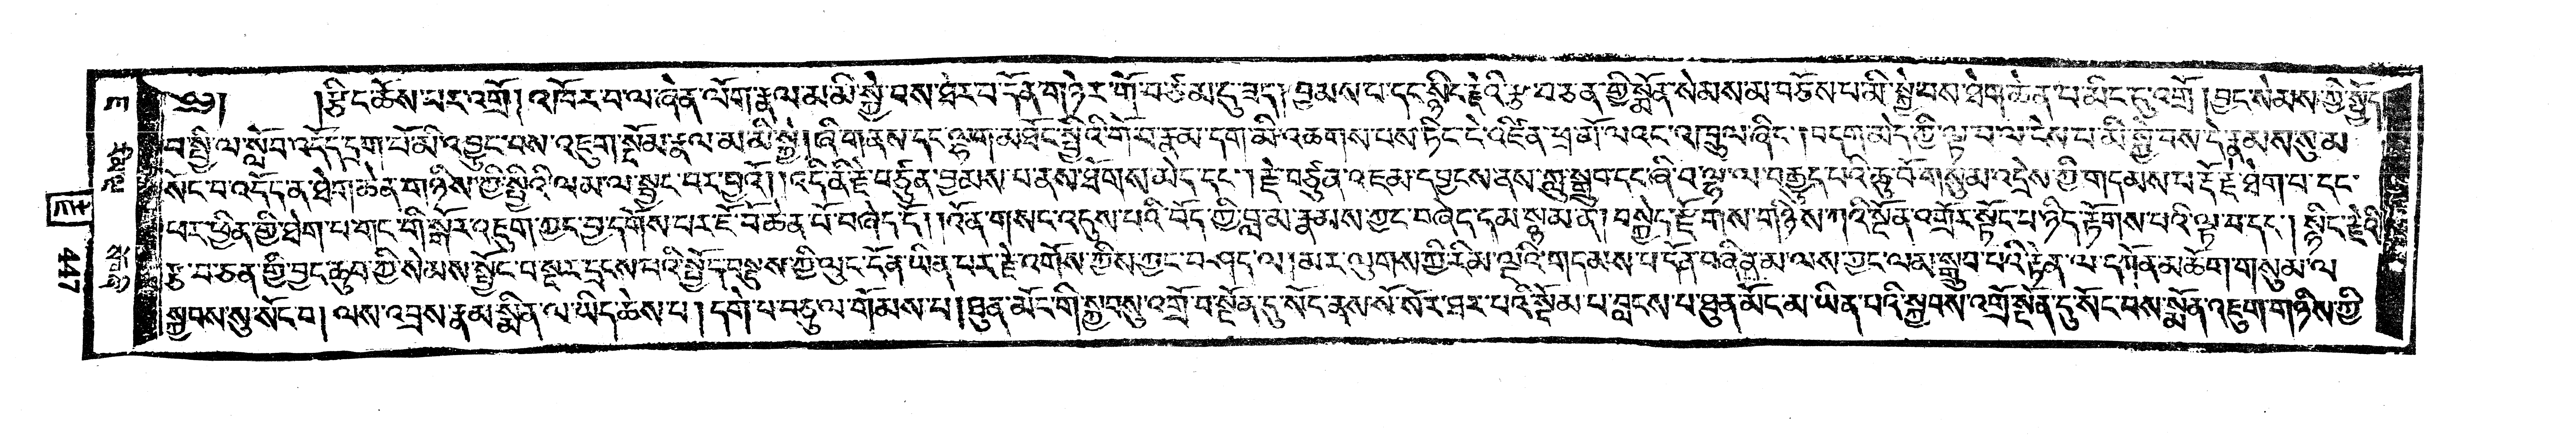༄༅། །རྩིང་ཆོས་པར་འགྲོ། འཁོར་བ་ལ་ཞེན་ལོག་རྣལ་མ་མི་སྐྱེ་བས་ཐར་པ་དོན་གཉེར་གོ་བ་ཙམ་དུ་ཟད། བྱམས་པ་དང་སྙིང་རྗེའི་རྩ་བ་ཅན་གྱི་སྨོན་སེམས་མ་བཅོས་པ་མི་སྐྱེ་བས་ཐེག་ཆེན་པ་མིང་དུ་འགྲོ་།བྱང་སེམས་ཀྱི་སྤྱོད་
པ་སྤྱི་ལ་སློབ་འདོད་དྲག་པོ་མི་འབྱུང་བས་འཇུག་སྡོམ་རྣལ་མ་མི་སྐྱེ། ཞི་གནས་དང་ལྷག་མཐོང་སྤྱིའི་གོ་བ་རྣམ་དག་མི་འཆགས་པས་ཏིང་ངེ་འཛིན་ཕྲ་མོ་ལའང་འཁྲུལ་ཞིང་། བདག་མེད་ཀྱི་ལྟ་བ་ལ་ངེས་པ་མི་སྐྱེ་བས་དེ་རྣམས་སུ་མ་
སོང་བ་འདོད་ན་ཐེག་ཆེན་གཉིས་ཀྱི་སྤྱིའི་ལམ་ལ་སྦྱང་བར་བྱའོ། །འདི་ནི་རྗེ་བཙུན་བྱམས་པ་ནས་ཐོགས་མེད་དང་། རྗེ་བཙུན་འཇམ་དབྱངས་ནས་ཀླུ་སྒྲུབ་དང་ཞི་བ་ལྷ་ལ་བརྒྱུད་པའི་ཆུ་བོ་གསུམ་འདྲེས་ཀྱི་གདམས་པ་རྡོ་རྗེ་ཐེག་པ་དང་
ཕར་ཕྱིན་གྱི་ཐེག་པ་གང་གི་སྒོར་འཇུག་ཀྱང་བྱ་དགོས་པར་ཇོ་བོ་ཆེན་པོ་བཞེད་དོ། །འོ་ན་གསང་འདུས་པའི་བོད་ཀྱི་བླ་མ་རྣམས་ཀྱང་བཞེད་དམ་སྙམ་ན། བསྐྱེད་རྫོགས་གཉིས་ཀའི་སྔོན་འགྲོར་སྟོང་པ་ཉིད་རྟོགས་པའི་ལྟ་བ་དང་། སྙིང་རྗེའི་
རྩ་བ་ཅན་གྱི་བྱང་ཆུབ་ཀྱི་སེམས་སྦྱོང་བ་སྔར་དྲངས་པའི་སྤྱོད་བསྡུས་ཀྱི་ལུང་དོན་ཡིན་པར་རྗེ་འགོས་ཀྱིས་ཀྱང་བཤད་ལ། མར་ལུགས་ཀྱི་རིམ་ལྔའི་གདམས་པ་དོན་བཞི་མ་ལས་ཀྱང་ལམ་སྒྲུབ་པའི་རྟེན་ལ་དཀོན་མཆོག་གསུམ་ལ་
སྐྱབས་སུ་སོང་བ། ལས་འབྲས་རྣམ་སྨིན་ལ་ཡིད་ཆེས་པ། དགེ་བ་བཅུ་ལ་གོམས་པ། ཐུན་མོང་གི་སྐྱབས་སུ་འགྲོ་བ་སྔོན་དུ་སོང་ནས་སོ་སོར་ཐར་པའི་སྡོམ་པ་བླངས་པ་ཐུན་མོང་མ་ཡིན་པའི་སྐྱབས་འགྲོ་སྔོན་དུ་སོང་བས་སྨོན་འཇུག་གཉིས་ཀྱི་